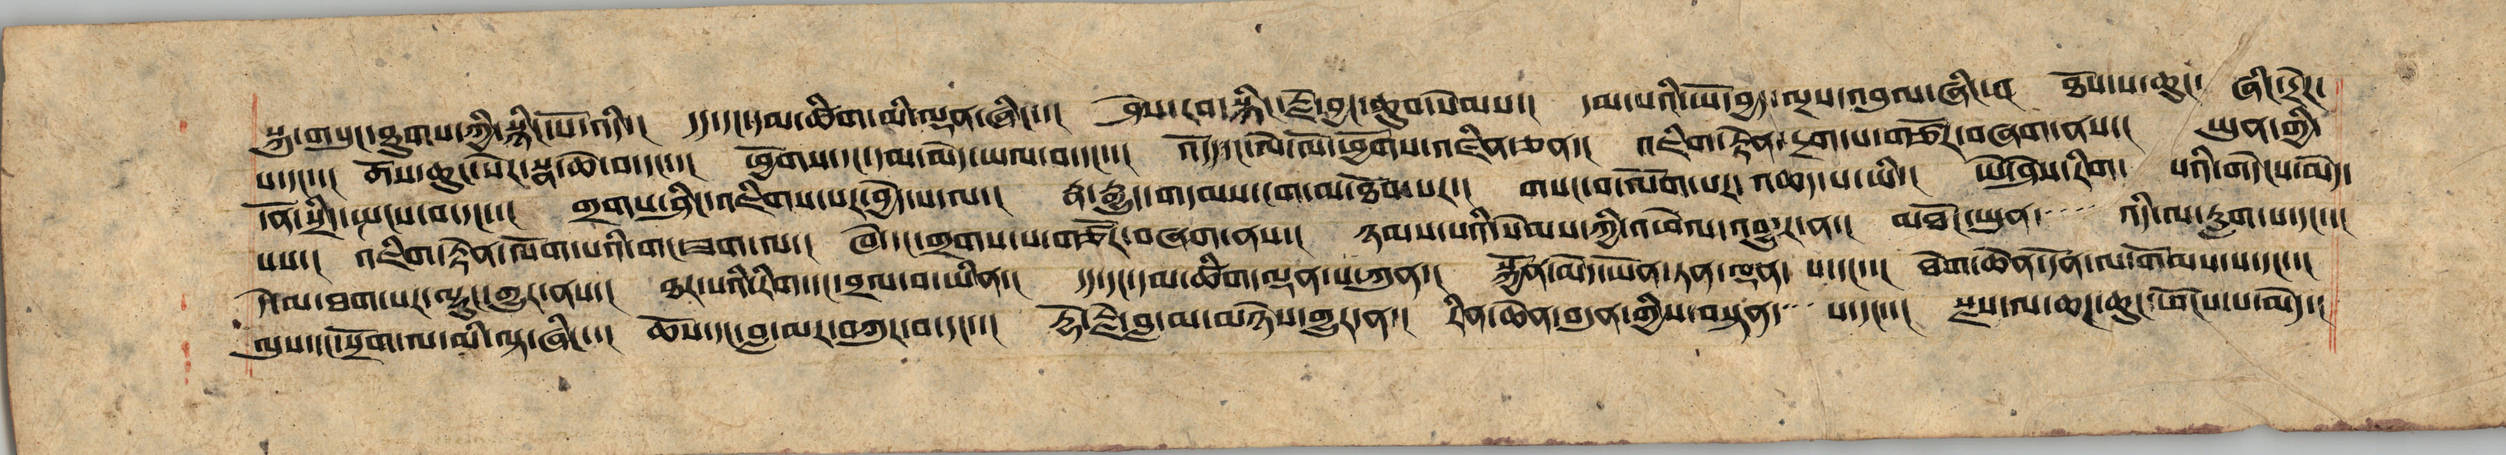སྐུ་གསུང་ཐུགས་ཀྱི་སྙིང་པོ་འདི་། དད་དང་དམ་ཚིག་མི་ལྡན་ཞིང་་། ཤེས་རབ་སྙིང་རྗེ་བྱང་ཆུབ་སེམས་། དམ་པའི་ཡོ་བྱད་ལྔས་འབུལ་ཞིངས། ཐོས་པ་ཆུང་ ཞིང་དྲེཌ་
ས་དང་་། གོས་ཆུང་སེར་སྣ་ཆེ་བ་དང་་། ཕྱོགས་དང་དམ་མེད་ཡལ་བ་དང་་། འདོད་དང་ལེ་ལོ་ཕྱོགས་འཛིན་ཅན་། འཇིག་རྟེན་དྲག་པ་གཙོར་བཞག་ནས་། ཡུན་གྱི་
དོན་སྲིད་སྤངས་པ་དང་་། གྲགས་ཤིང་འཇིགས་པར་བྱེད་པ་ལ་། རྣ་རྒྱུད་གདམས་ངག་མ་ཐོབ་པར་། གསང་བ་ལོག་པར་འཆད་པ་ཡི་། ཡེ་ཤེས་རིག་ པའི་གདེངས་མེད་
པས་། འཇིག་རྟེན་ལོག་པའི་གང་ཟག་ལ་། ཁེ་དང་གྲགས་པ་གཙོར་བཞག་ནས་། ཉམས་པའི་སེམས་ཀྱི་འཕེལ་འགྱུར་ན་། མཐོང་ཡུན་ འདི་ལ་རླག་པ་དང་་།
དེ་མ་ཐག་པར་ལྷུང་གྱུར་ནས་། ཐར་པའི་རིག་དང་བྲལ་བ་ཡིན་། དད་དང་དམ་ཚིག་ལྡན་པ་ཀུན་། སྐྱོན་མེད་ཡོན་ཏན་ལྡན་ པ་དང་་། ཐེག་ཆེན་དོན་ལ་གོམས་པ་དང་་།།
ལུས་དང་སྲོག་ལ་མི་ལྟ་ཞིང་་། ཆོས་དང་བླ་མར་བཀུར་བ་དང་་། རྡོ་རྗེ་བླ་མ་མཉེས་གྱུར་ན་། རིན་ཆེན་བདུན་གྱིས་བསྟན་ པ་དང་་། སྫས་ལ་ཆཌ་ཆུང་ཕོངས་པ་མེད་།